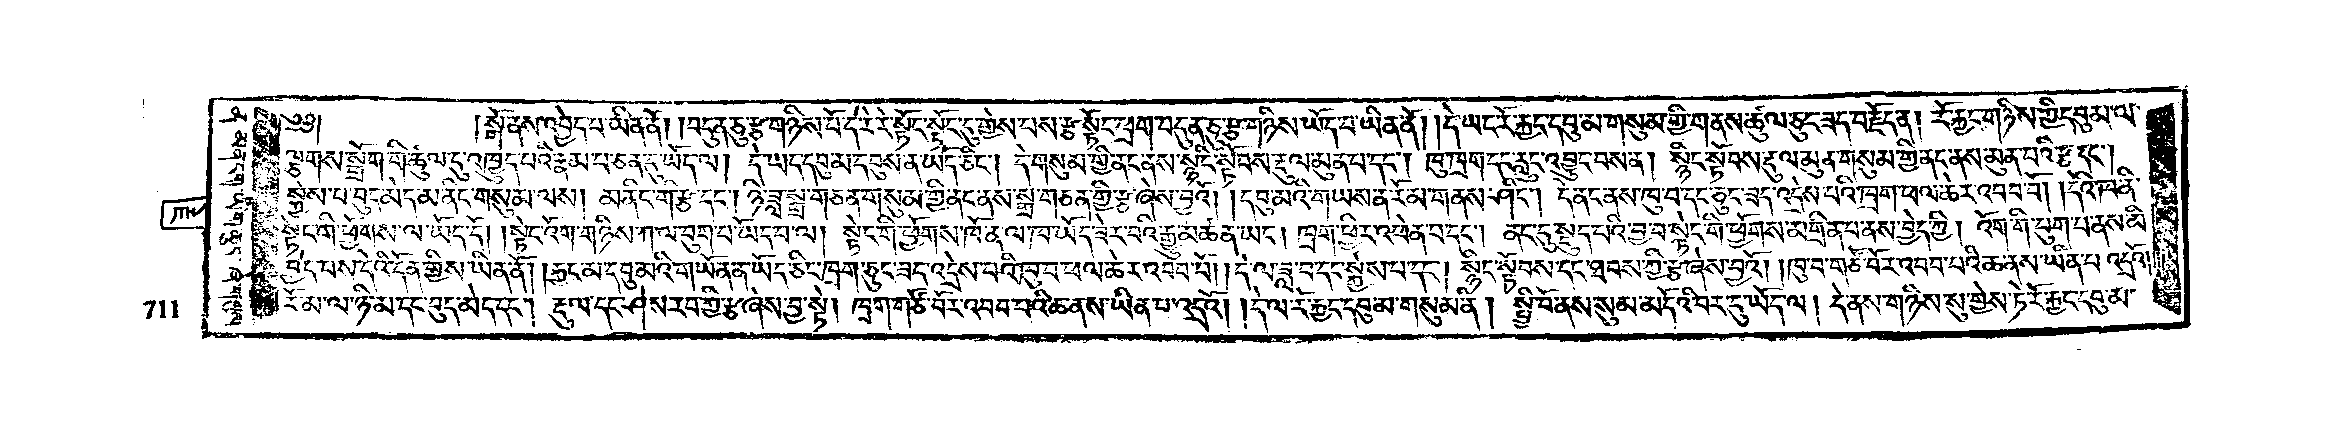༄༅། །སྒོ་ནས་འབྱེད་པ་ཡིན་ནོ། །བདུན་ཅུ་རྩ་གཉིས་པོ་དེ་རེ་རེ་སྟོང་སྟོང་དུ་གྱེས་པས་རྩ་སྟོང་ཕྲག་བདུན་ཅུ་རྩ་གཉིས་ཡོད་པ་ཡིན་ནོ། །དེ་ཡང་རོ་རྐྱང་དབུ་མ་གསུམ་གྱི་གནས་ཚུལ་ཅུང་ཟད་བརྗོད་ན། རོ་རྐྱང་གཉིས་ཀྱི་དབུ་མ་ལ་
ལྕགས་སྒྲོག་གི་ཚུལ་དུ་འཁྱུད་པའི་རྣམ་པ་ཅན་དུ་ཡོད་ལ། དེ་ཡང་དབུ་མ་དབུས་ན་ཡོད་ཅིང་། དེ་གསུམ་གྱི་ནང་ནས་སྙིང་སྟོབས་རྡུལ་མུན་པ་དང་། ཁུ་ཁྲག་དང་རླུང་འབྱུང་བས་ན། སྙིང་སྟོབས་རྡུལ་མུན་གསུམ་གྱི་ནང་ནས་མུན་པའི་རྩ་དང་།
སྐྱེས་པ་བུད་མེད་མ་ནིང་གསུམ་ལས། མ་ནིང་གི་རྩ་དང་། ཉི་ཟླ་སྒྲ་གཅན་གསུམ་གྱི་ནང་ནས་སྒྲ་གཅན་གྱི་རྩ་ཞེས་བྱའོ། །དབུ་མའི་གཡས་ན་རོ་མ་གནས་ཤིང་། དེ་ནང་ནས་ཁུ་བ་དང་ཅུང་ཟད་འདྲེས་པའི་ཁྲག་ཕལ་ཆེར་འབབ་བོ། །དེའི་ཁ་ནི་
སྟེང་གི་ཕྱོགས་ལ་ཡོད་དོ། །སྟེང་འོག་གཉིས་ཀ་ལ་བུག་པ་ཡོད་པ་ལ། སྟེང་གི་ཕྱོགས་ཁོ་ན་ལ་ཁ་ཡོད་ཟེར་བའི་རྒྱུ་མཚན་ཡང་། ཁྲག་ཕྱིར་འཕེན་པ་དང་། ནང་དུ་སྡུད་པའི་བྱ་བ་སྟེང་གི་ཕྱོགས་མགྲིན་པ་ནས་བྱེད་ཀྱི། འོག་གི་པུག་པ་ནས་མི་
བྱེད་པས་དེའི་དོན་གྱིས་ཡིན་ནོ། །རྐྱང་མ་དབུ་མའི་གཡོན་ན་ཡོད་ཅིང་ཁྲག་ཅུང་ཟད་འདྲེས་པའི་ཁུ་བ་ཕལ་ཆེར་འབབ་པོ། །དེ་ལ་ཟླ་བ་དང་སྐྱེས་པ་དང་། སྙིང་སྟོབས་དང་ཐབས་ཀྱི་རྩ་ཞེས་བྱའོ། །ཁུ་བ་གཙོ་བོར་འབབ་པའི་ཆ་ནས་ཡིན་པ་འདྲའོ།
རོ་མ་ལ་ཉི་མ་དང་བུད་མེད་དང་། རྡུལ་དང་ཤེས་རབ་ཀྱི་རྩ་ཞེས་བྱ་སྟེ། ཁྲག་གཙོ་བོར་འབབ་པའི་ཆ་ནས་ཡིན་པ་འདྲའོ། །དེ་ལ་རོ་རྐྱང་དབུ་མ་གསུམ་ནི། སྤྱི་བོ་ནས་སུམ་མདོའི་བར་དུ་ཡོད་ལ། དེ་ནས་གཉིས་སུ་གྱེས་ཏེ་རོ་རྐྱང་དབུ་མ་